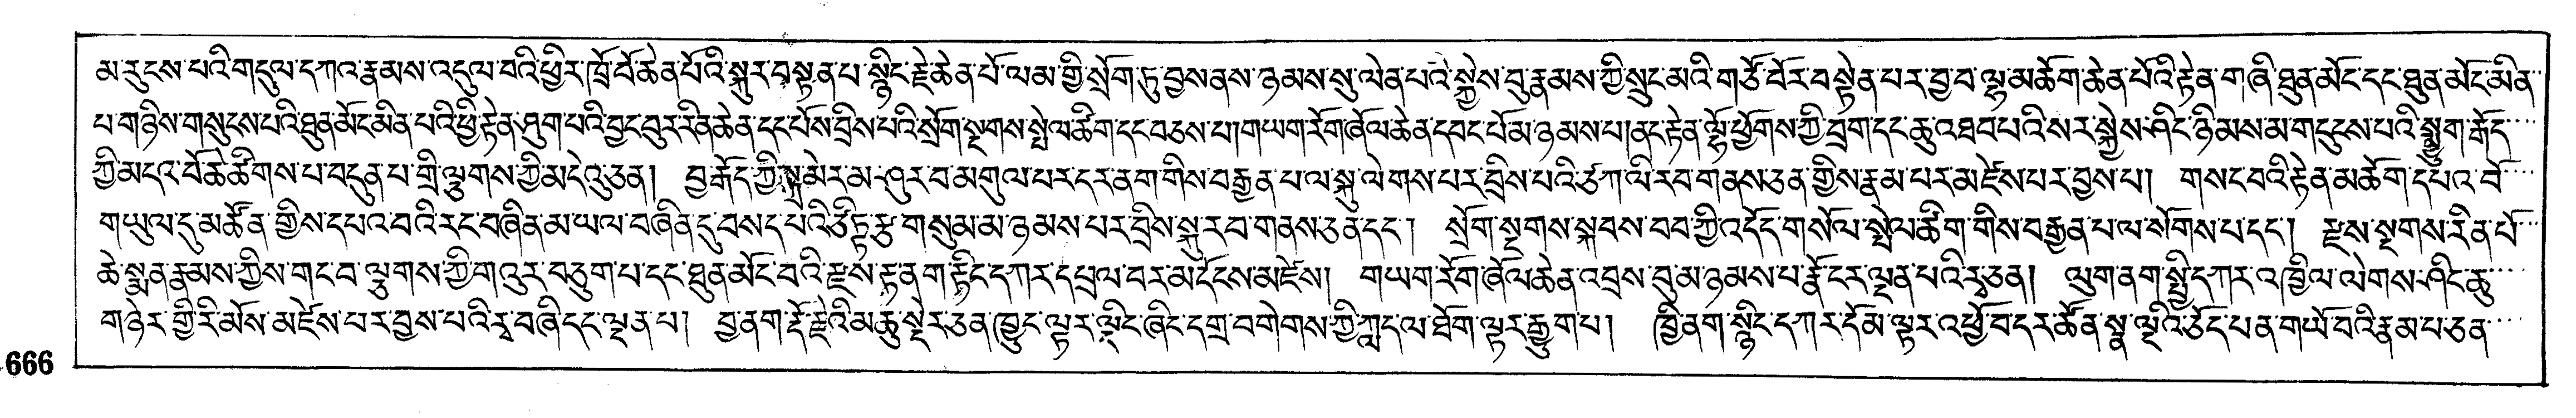མ་རུངས་པའི་གདུལ་དཀའ་རྣམས་འདུལ་བའི་ཕྱིར་ཁྲོ་བོ་ཆེན་པོའི་སྐུར་བསྟན་པ་སྙིང་རྗེ་ཆེན་པོ་ལམ་གྱི་སྲོག་ཏུ་བྱས་ནས་ཉམས་སུ་ལེན་པའི་སྐྱེས་བུ་རྣམས་ཀྱི་སྲུང་མའི་གཙོ་བོར་བསྟེན་པར་བྱ་བ་ལྷ་མཆོག་ཆེན་པོའི་རྟེན་གཞི་ཐུན་མོང་དང་ཐུན་མོང་མིན་
པ་གཉིས་གསུངས་པའི་ཐུན་མོང་མིན་པའི་ཕྱི་རྟེན་ཤུག་པའི་བྱང་བུར་རིན་ཆེན་དང་པོས་བྲིས་པའི་སྲོག་སྔགས་སྤེལ་ཚིག་དང་བཅས་པ། གཡག་རོག་ཞོལ་ཆེན་དབང་པོ་མཉམས་གནང་རྟེན་ལྷོ་ཕྱོགས་ཀྱི་བྲག་དང་ཆུ་འཐབ་པའི་སར་སྐྱེས་ཤིང་ཉི་མས་མ་གདུངས་པའི་སྨྱུག་རྒོད་
ཀྱི་མདའ་བོ་ཆེ་ཚིགས་པ་བདུན་པ་གྲི་ལྕགས་ཀྱི་མདེའུ་ཅན། བྱ་རྒོད་ཀྱི་སྒྲ་མེར་མ་ཤུར་བ་མགུལ་པར་དར་ནག་གིས་བརྒྱན་པ་ལ་སྐུ་ལེགས་པར་བྲིས་པའི་ཙ་ཀ་ལི་རབ་གནས་ཅན་གྱིས་རྣམ་པར་མཛེས་པར་བྱས་པ། གསང་བའི་རྟེན་མཆོག་དཔའ་བོ་
གཡུལ་དུ་མཚོན་གྱིས་དཔའ་བའི་རང་བཞིན་མ་ཡལ་བཞིན་དུ་བསད་པའི་ཙིཏྟ་རྩ་གསུམ་མ་ཉམས་པར་བྲིས་སྐུ་རབ་གནས་ཅན་དང་། སྲོག་སྔགས་སྐབས་བབ་ཀྱི་འདོད་གསོལ་སྤེལ་ཚིག་གིས་བརྒྱན་པ་ལ་སོགས་པ་དང་། རྫས་སྔགས་རིན་པོ་
ཆེ་སྨན་རྣམས་ཀྱིས་གང་བ་ལྕགས་ཀྱི་གའུར་བཅུག་པ་དང་ཐུན་མོང་བའི་རྫས་རྟ་ནག་རྟིང་དཀར་དཔྲལ་བར་མདོངས་མཛེས། གཡག་རོག་ཞོལ་ཆེན་འབྲས་བུ་མ་ཉམས་པ་རྣོ་ངར་ལྡན་པའི་རྭ་ཅན། ལུག་ནག་སྤྱི་དཀར་འཁྱིལ་ལེགས་ཤིང་ཆུ་
གཉེར་གྱི་རི་མོས་མཛེས་པར་བྱས་པའི་རྭ་བཞི་དང་ལྡན་པ། བྱ་ནག་རྡོ་རྗེའི་མཆུ་སྡེར་ཅན་ཁྱུང་ལྟར་ལྡིང་ཞིང་དགྲ་བགེགས་ཀྱི་ཀླད་ལ་ཐོག་ལྟར་རྒྱུག་པ། ཁྱི་ནག་སྙིང་དཀར་དོམ་ལྟར་འཕྱོ་བ་དར་ཚོན་སྣ་ལྔའི་ཅོད་པན་གཡོ་བའི་རྣམ་པ་ཅན་